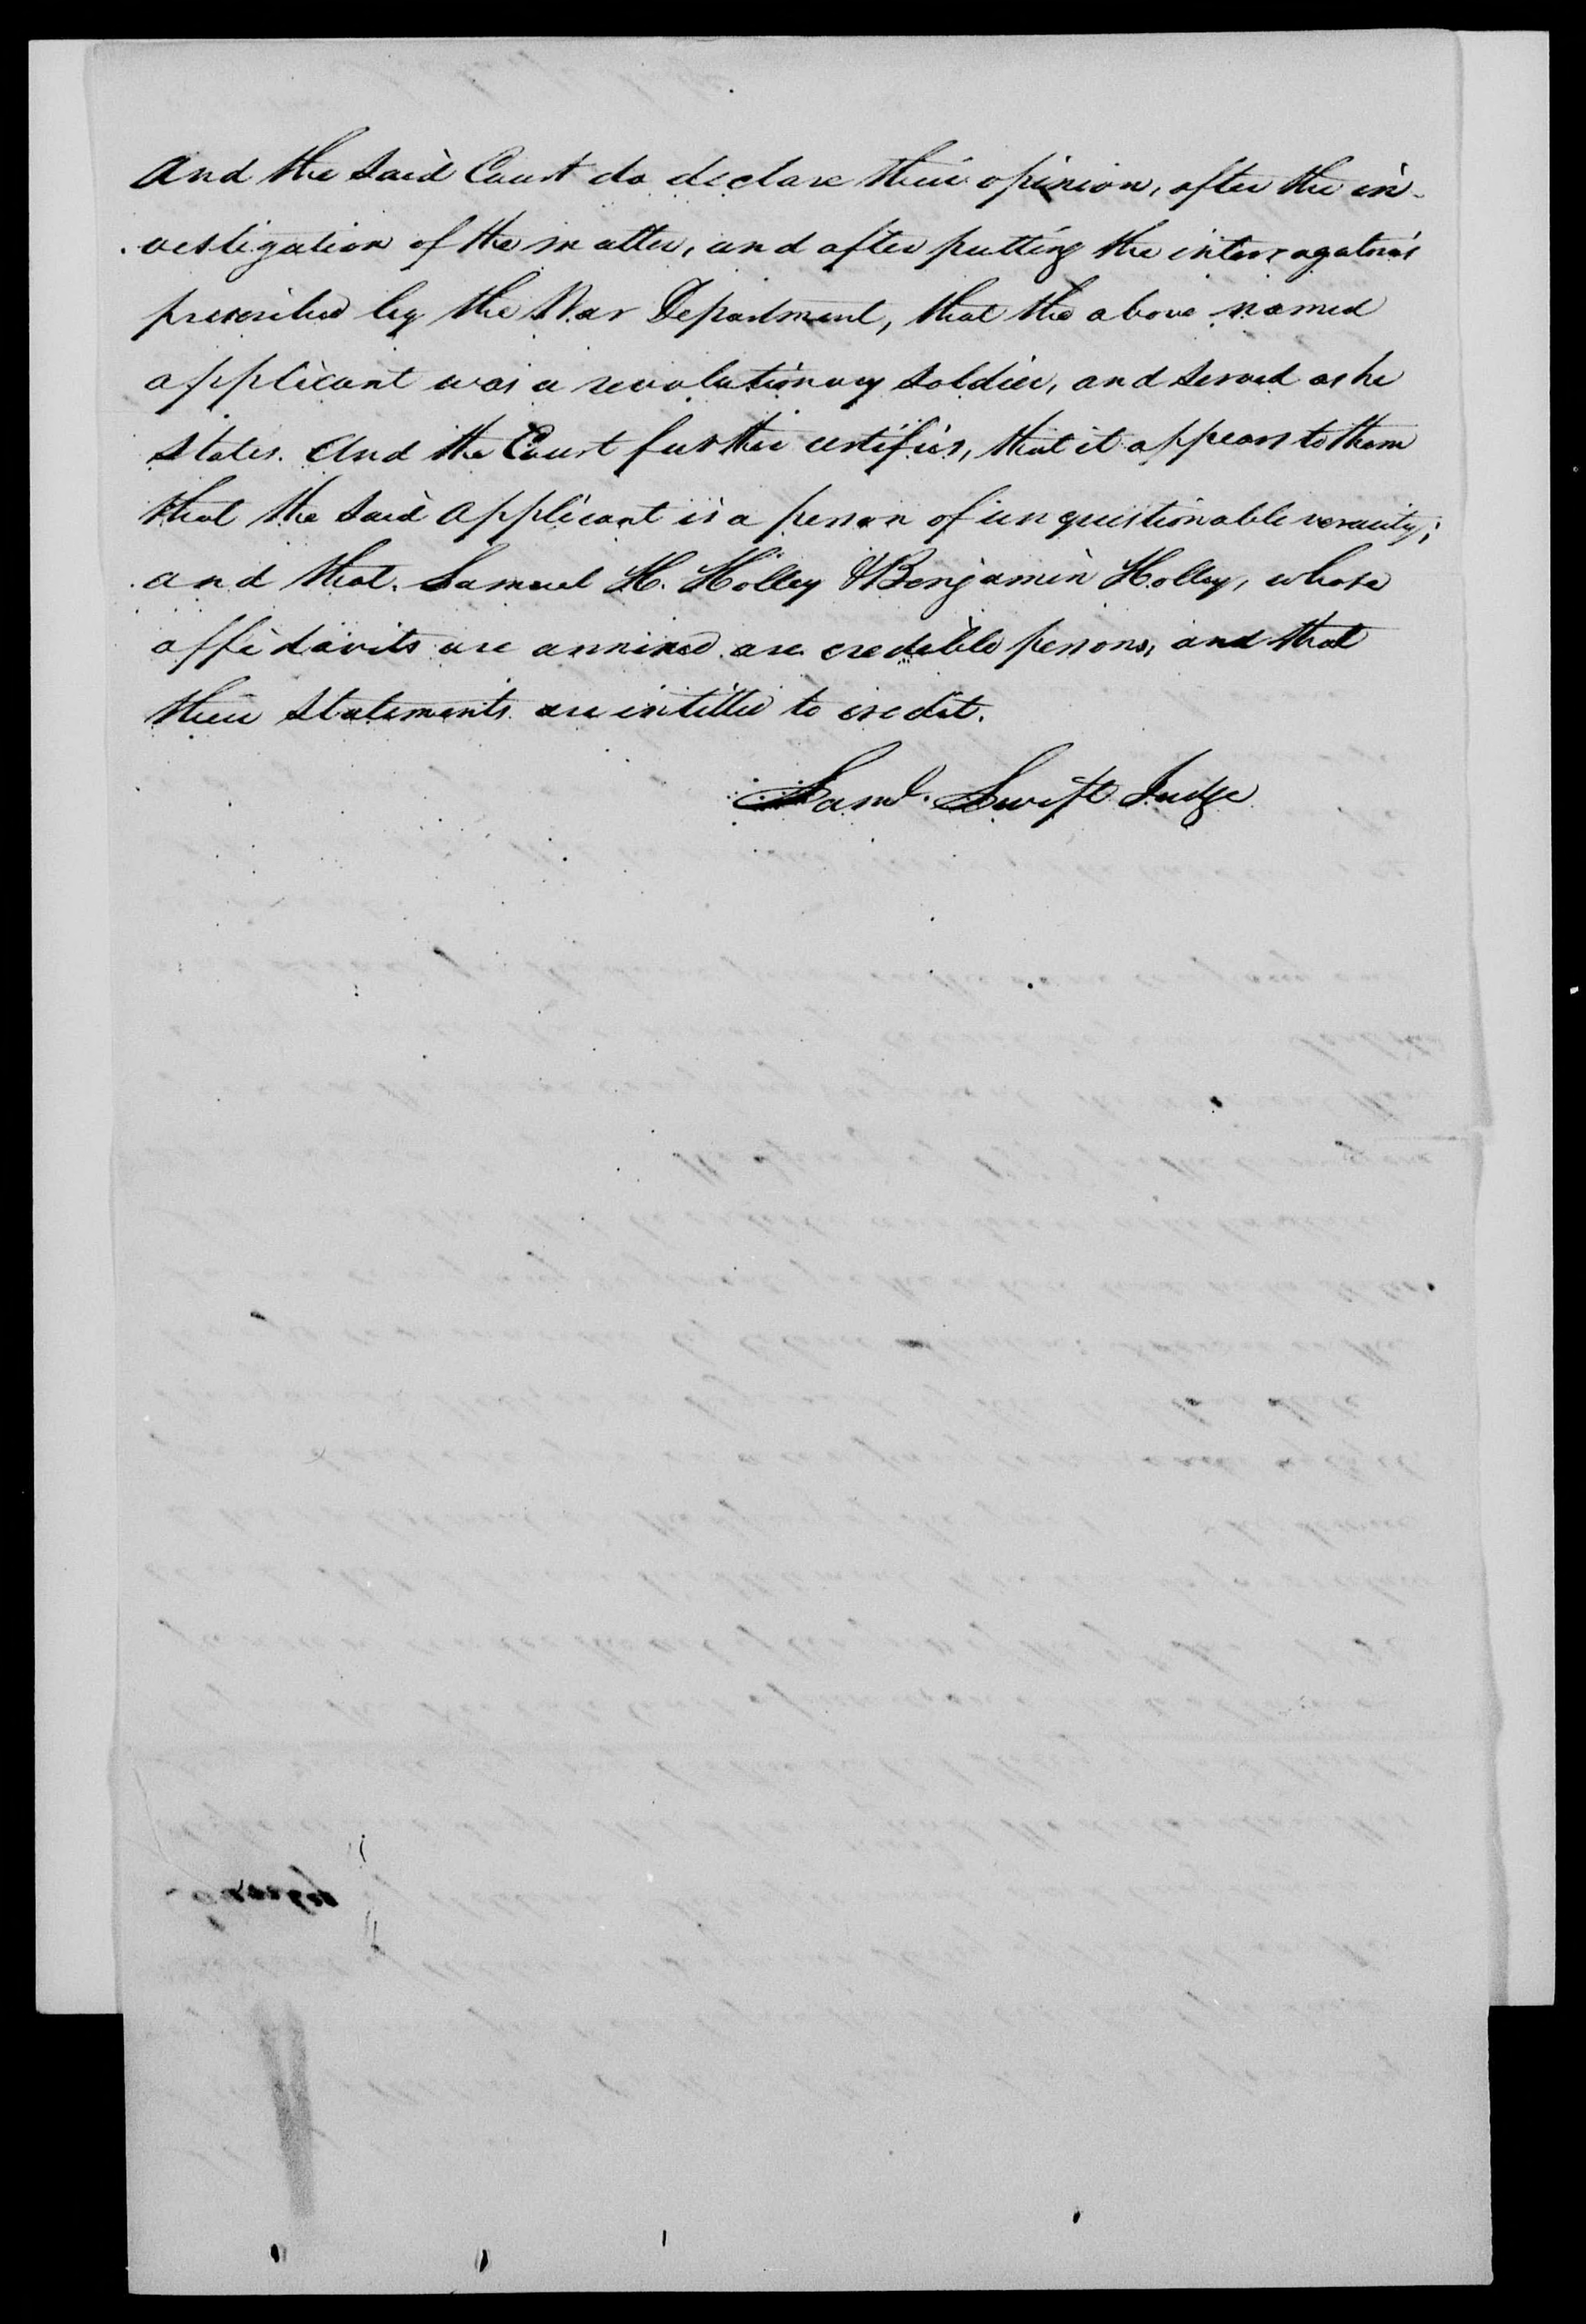and the said Court do declare their opinion, after the investigation
of the matter, and after putting the interrogator's
prescribed by the War Department, that the above named
applicant was a revolutionary soldier, and served as he
States. And the Court further certifies, that it appears to them
that the said applicant is a person of unquestionable veracity;
and that Samuel H. Holley Benjamin Holly, whose
affidavits are annexed are credible persons, and that
their statements are entitled to credit
Saml Swift Judge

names: Saml Swift, Samuel H Holley, Benjamin Holley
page: 55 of 62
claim: widow's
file: W. 21391, Robert Holley, Conn.